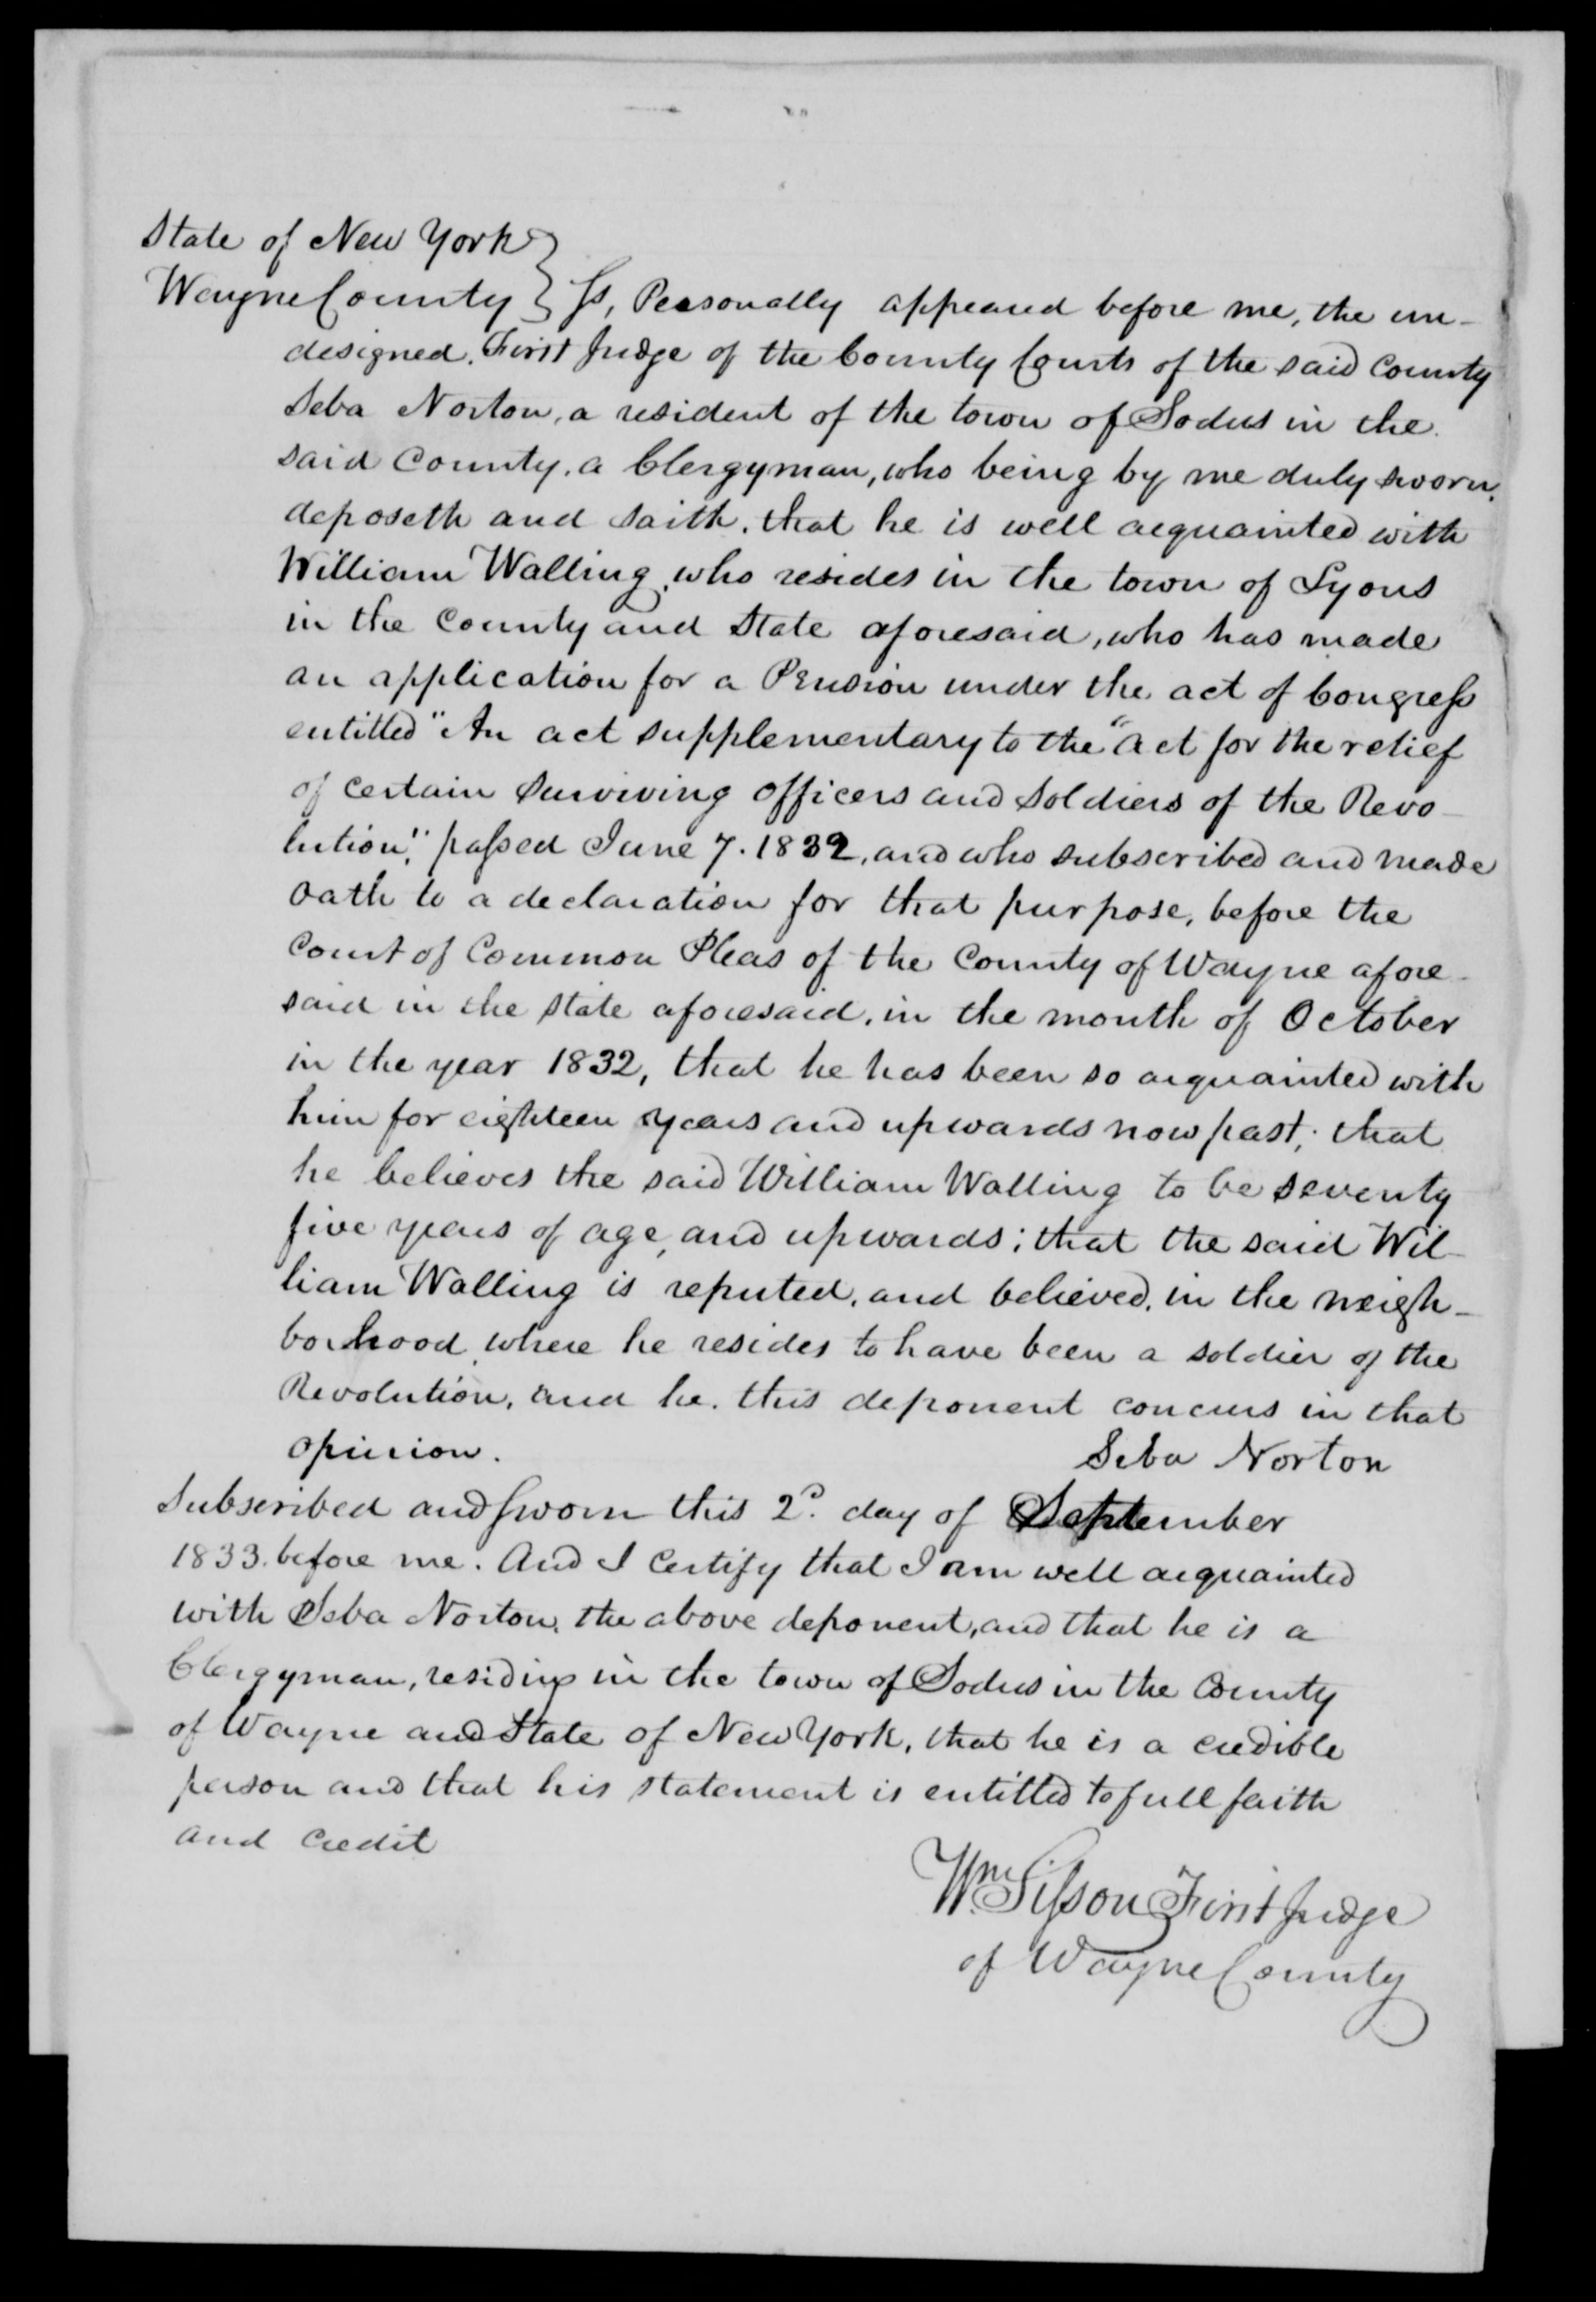State of New York
Wayne County, ss
Personally appeared before me, the undersigned First Judge of the County Courts of the said county Seba Norton, a resident of the town of Sodus in the said county, a Clergyman, who being by me duly sworn deposeth and saith, that he is well acquainted with William Walling, who resides in the town of Lyons in the county and State aforesaid, who has made an application for a Pension under the act of Congress entitled "An act supplementary to the "Act for the relief of certain surviving officers and soldiers of the Revolution," passed June 7, 1832, and who subscribed and made oath to a declaration for that purpose, before the Court of Common Pleas of the county of Wayne aforesaid in the state aforesaid, in the month of October in the year 1832, that he has been so acquainted with him for eighteen years and upwards now past; that he believes the said William Walling to be seventy five years of age, and upwards that the said William Walling is reputed, and believed, in the neighborhood, where he resides to have been a soldier of the Revolution, and he this deponent concurs in that opinion.  (signature) Seba Norton

Subscribed and sworn this 2d day of September 1833 before me.  And I certify that I am well acquainted with Seba Norton, the above deponent, and that he is a Clergyman, residing in the town of Sodus in the County of Wayne and State of New York, that he is a credible person and that his statement is entitled to full faith and credit. (signature) Wm Sisson, First Judge of Wayne County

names: William Walling, Wm Sisson, Seba Norton, Seba Norton, William Walling, Seba Norton, William Walling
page: 52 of 66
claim: widow's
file: W. 19588, William Walling, New Jersey